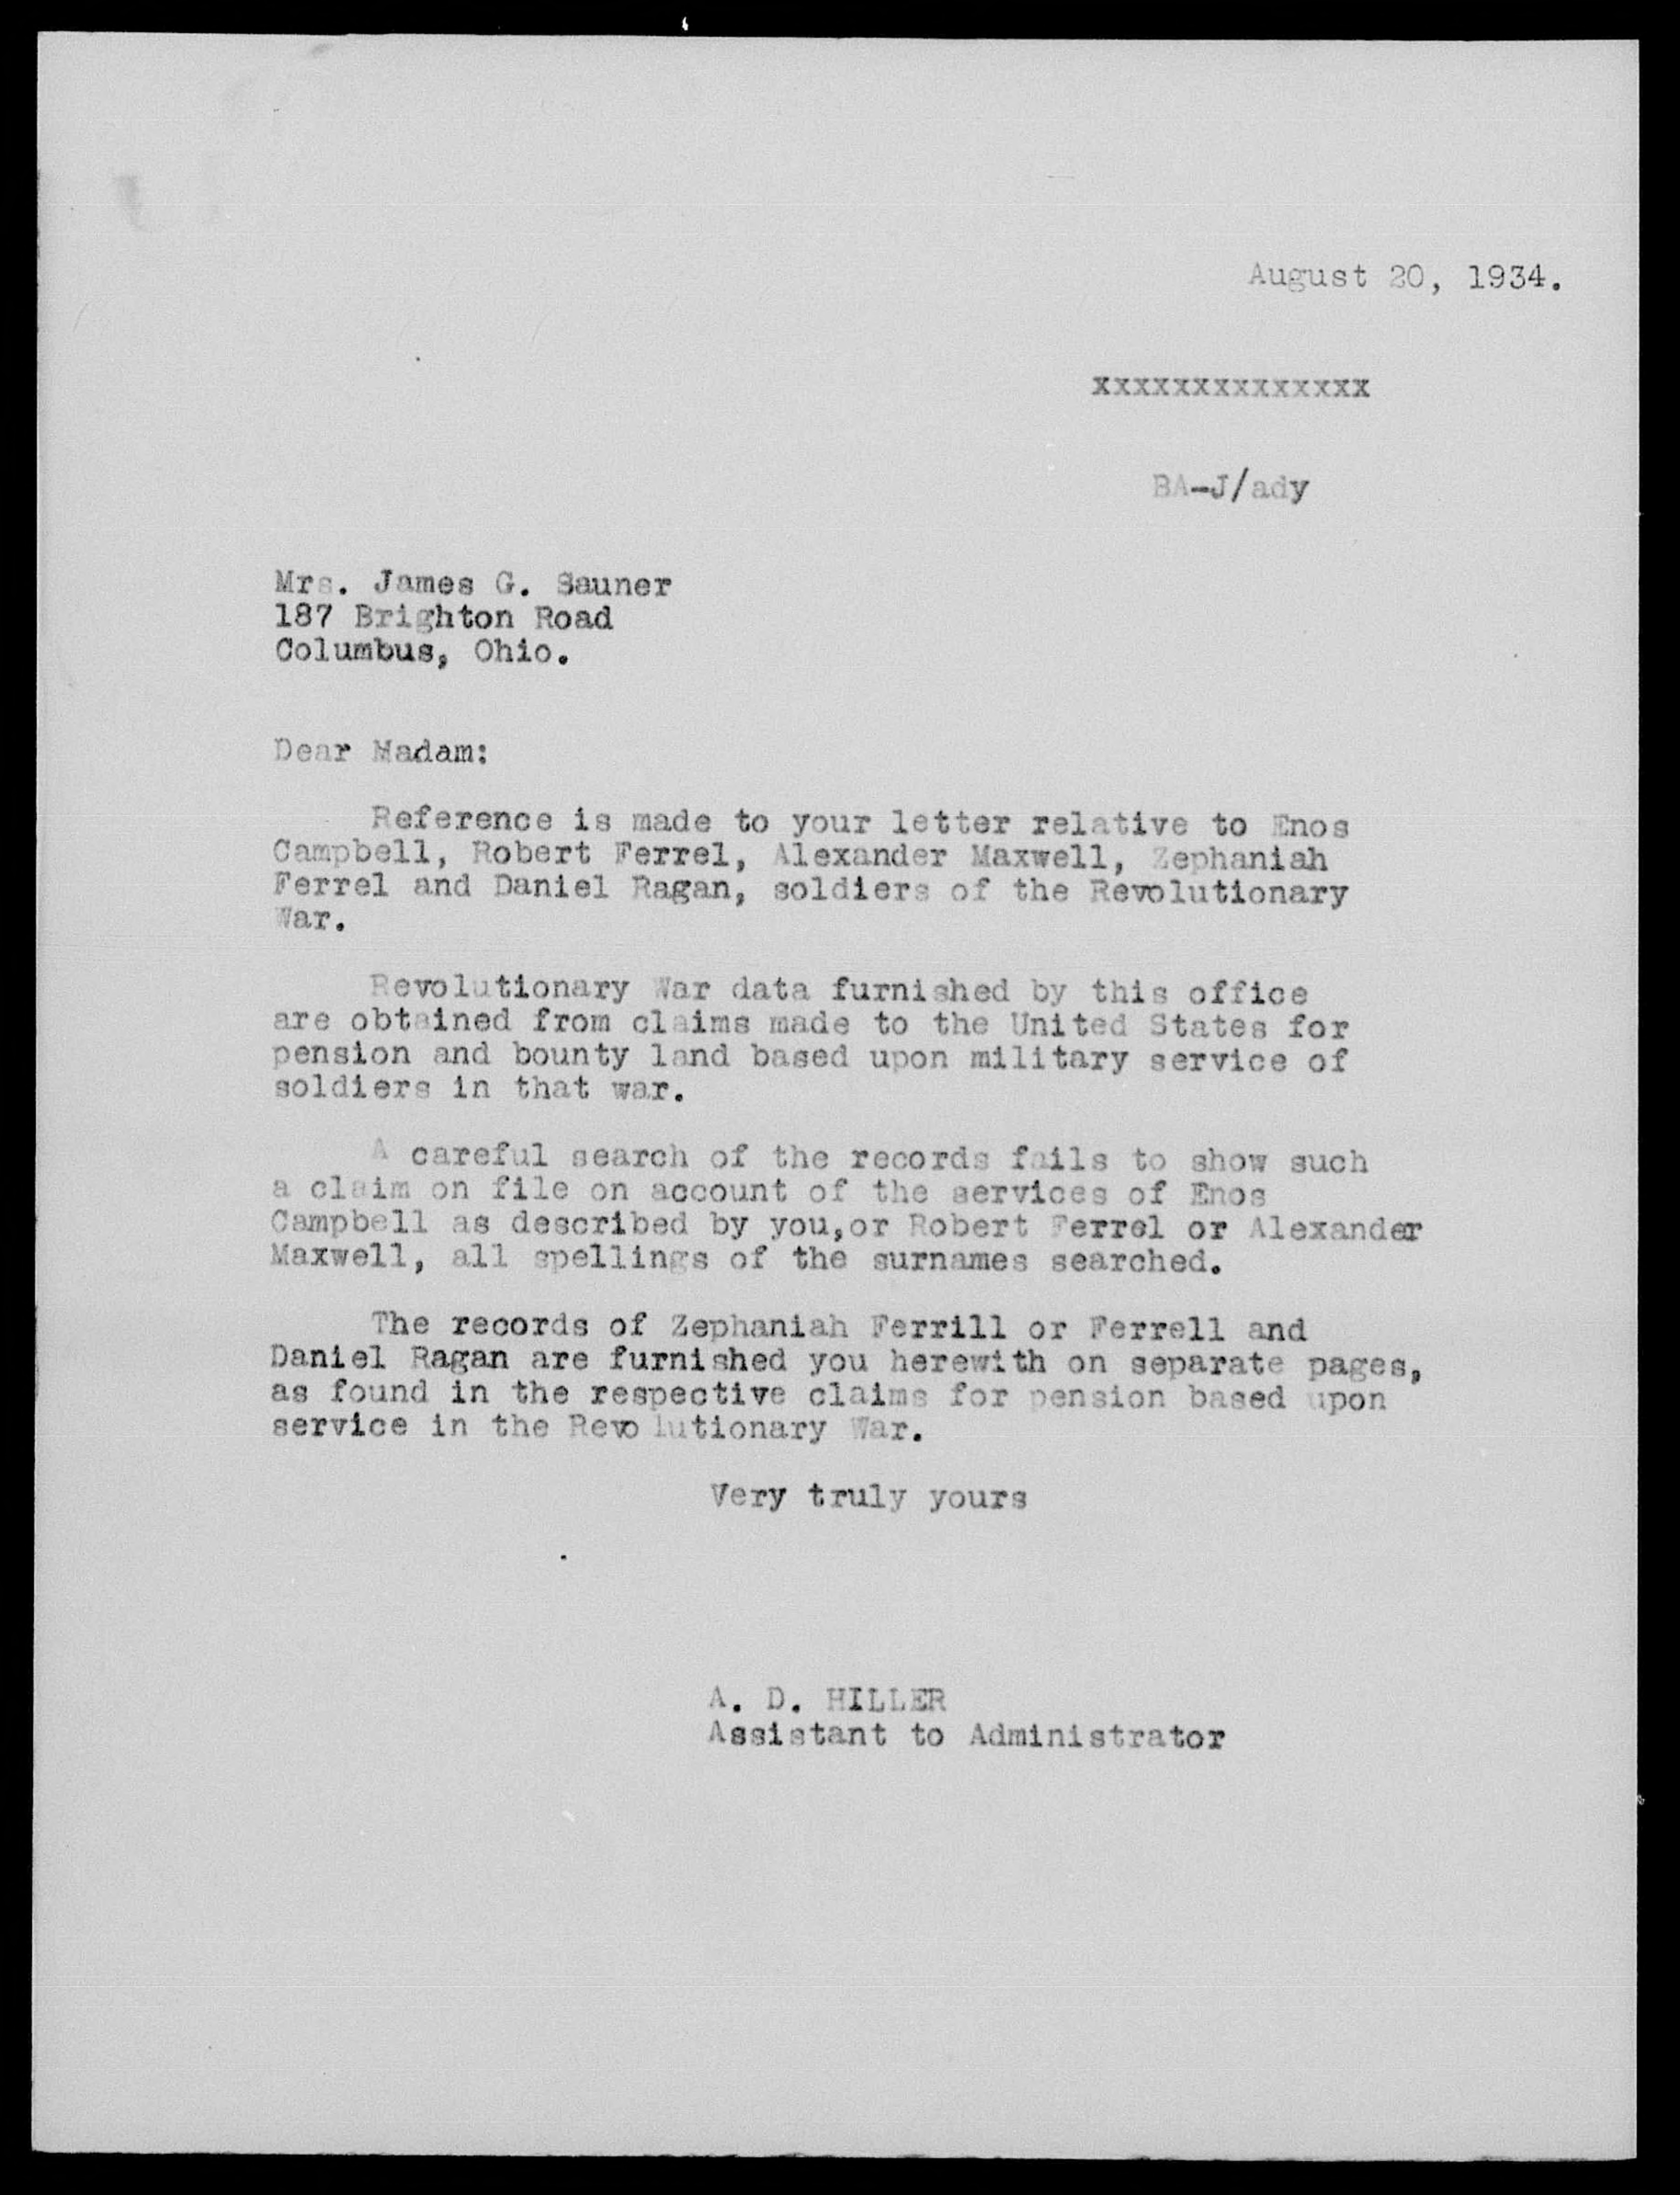August 20, 1934.

BA--J/ady

Mrs. James G. Sauner
187 Brighton Road
Columbus, Ohio.

Dear Madam: Reference is made to your letter relative to Enos Campbell, Robert Ferrel, Alexander Maxwell, Zephaniah Ferrel and Daniel Ragan, soldiers of the Revolutionary War.

Revolutionary War data furnished by this office are obtained from claims made to the United States for pension and bounty land based upon military service of soldiers in that war.

A careful search of the records fails to show such a claim on file on account of the services of Enos Campbell as described by you, or Robert Ferrel or Alexander Maxwell, all spellings  of the surnames searched.

The records of Zephaniah Ferrill or Ferrell and Daniel Ragan are furnished you herewith on separate pages, as found in the respective claims for pension based upon service in the Revolutionary War.

Very truly yours
A. D. Hiller
Assistant to Administrator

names: A D Hiller, Alexander Maxwell, Enos Campbell, Daniel Ragan, Daniel Ragan, Zephaniah Ferrel, Robert Ferrel, James G Sauner, Zephaniah Ferrell, Robert Ferrel, Alexander Maxwell, Enos Campbell, Zephaniah Ferrill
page: 11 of 12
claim: survivor's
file: S. 35928, Zephaniah Ferrill, Cont. (Va)